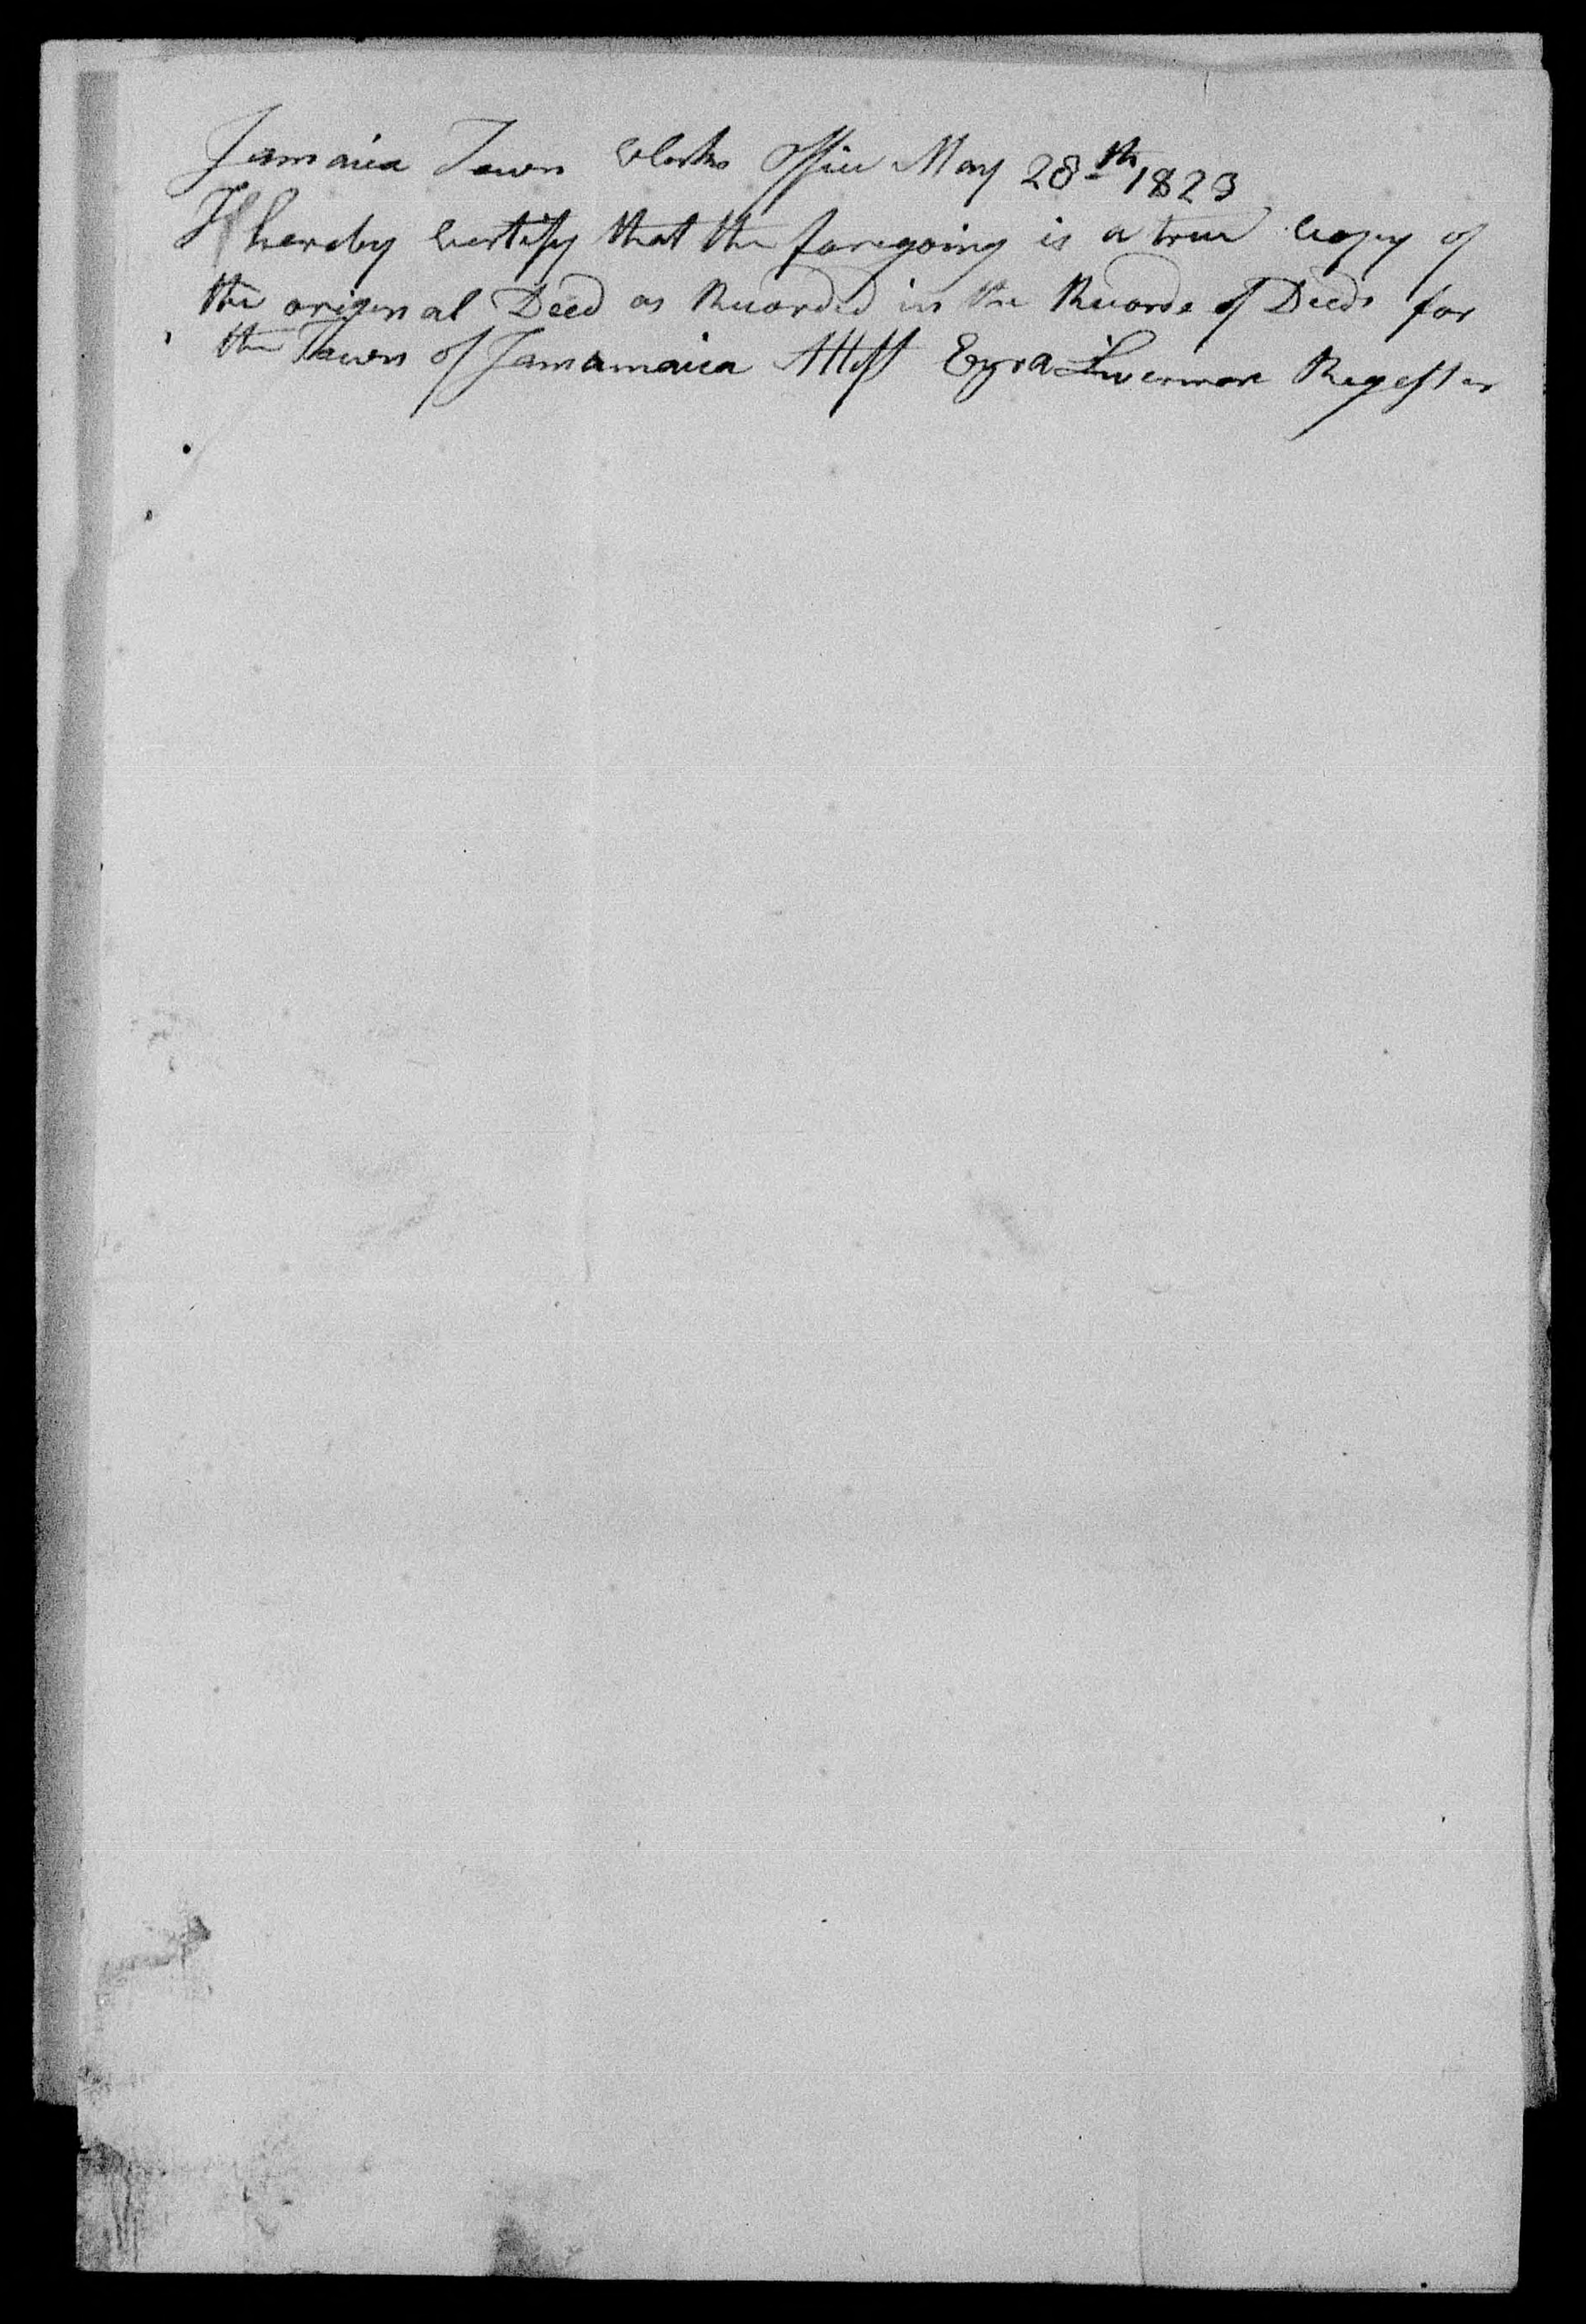Jamaica Town Clerks Office May28th 1823
I hereby testify that the foregoing is a true copy of the original Deed as Recorded in the Records of Deeds for the Town of Jamamaica
Attest Ezra Livermore Register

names: Ezra Livermore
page: 50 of 68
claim: survivor's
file: S. 29,877, Daniel Harris, Mass.